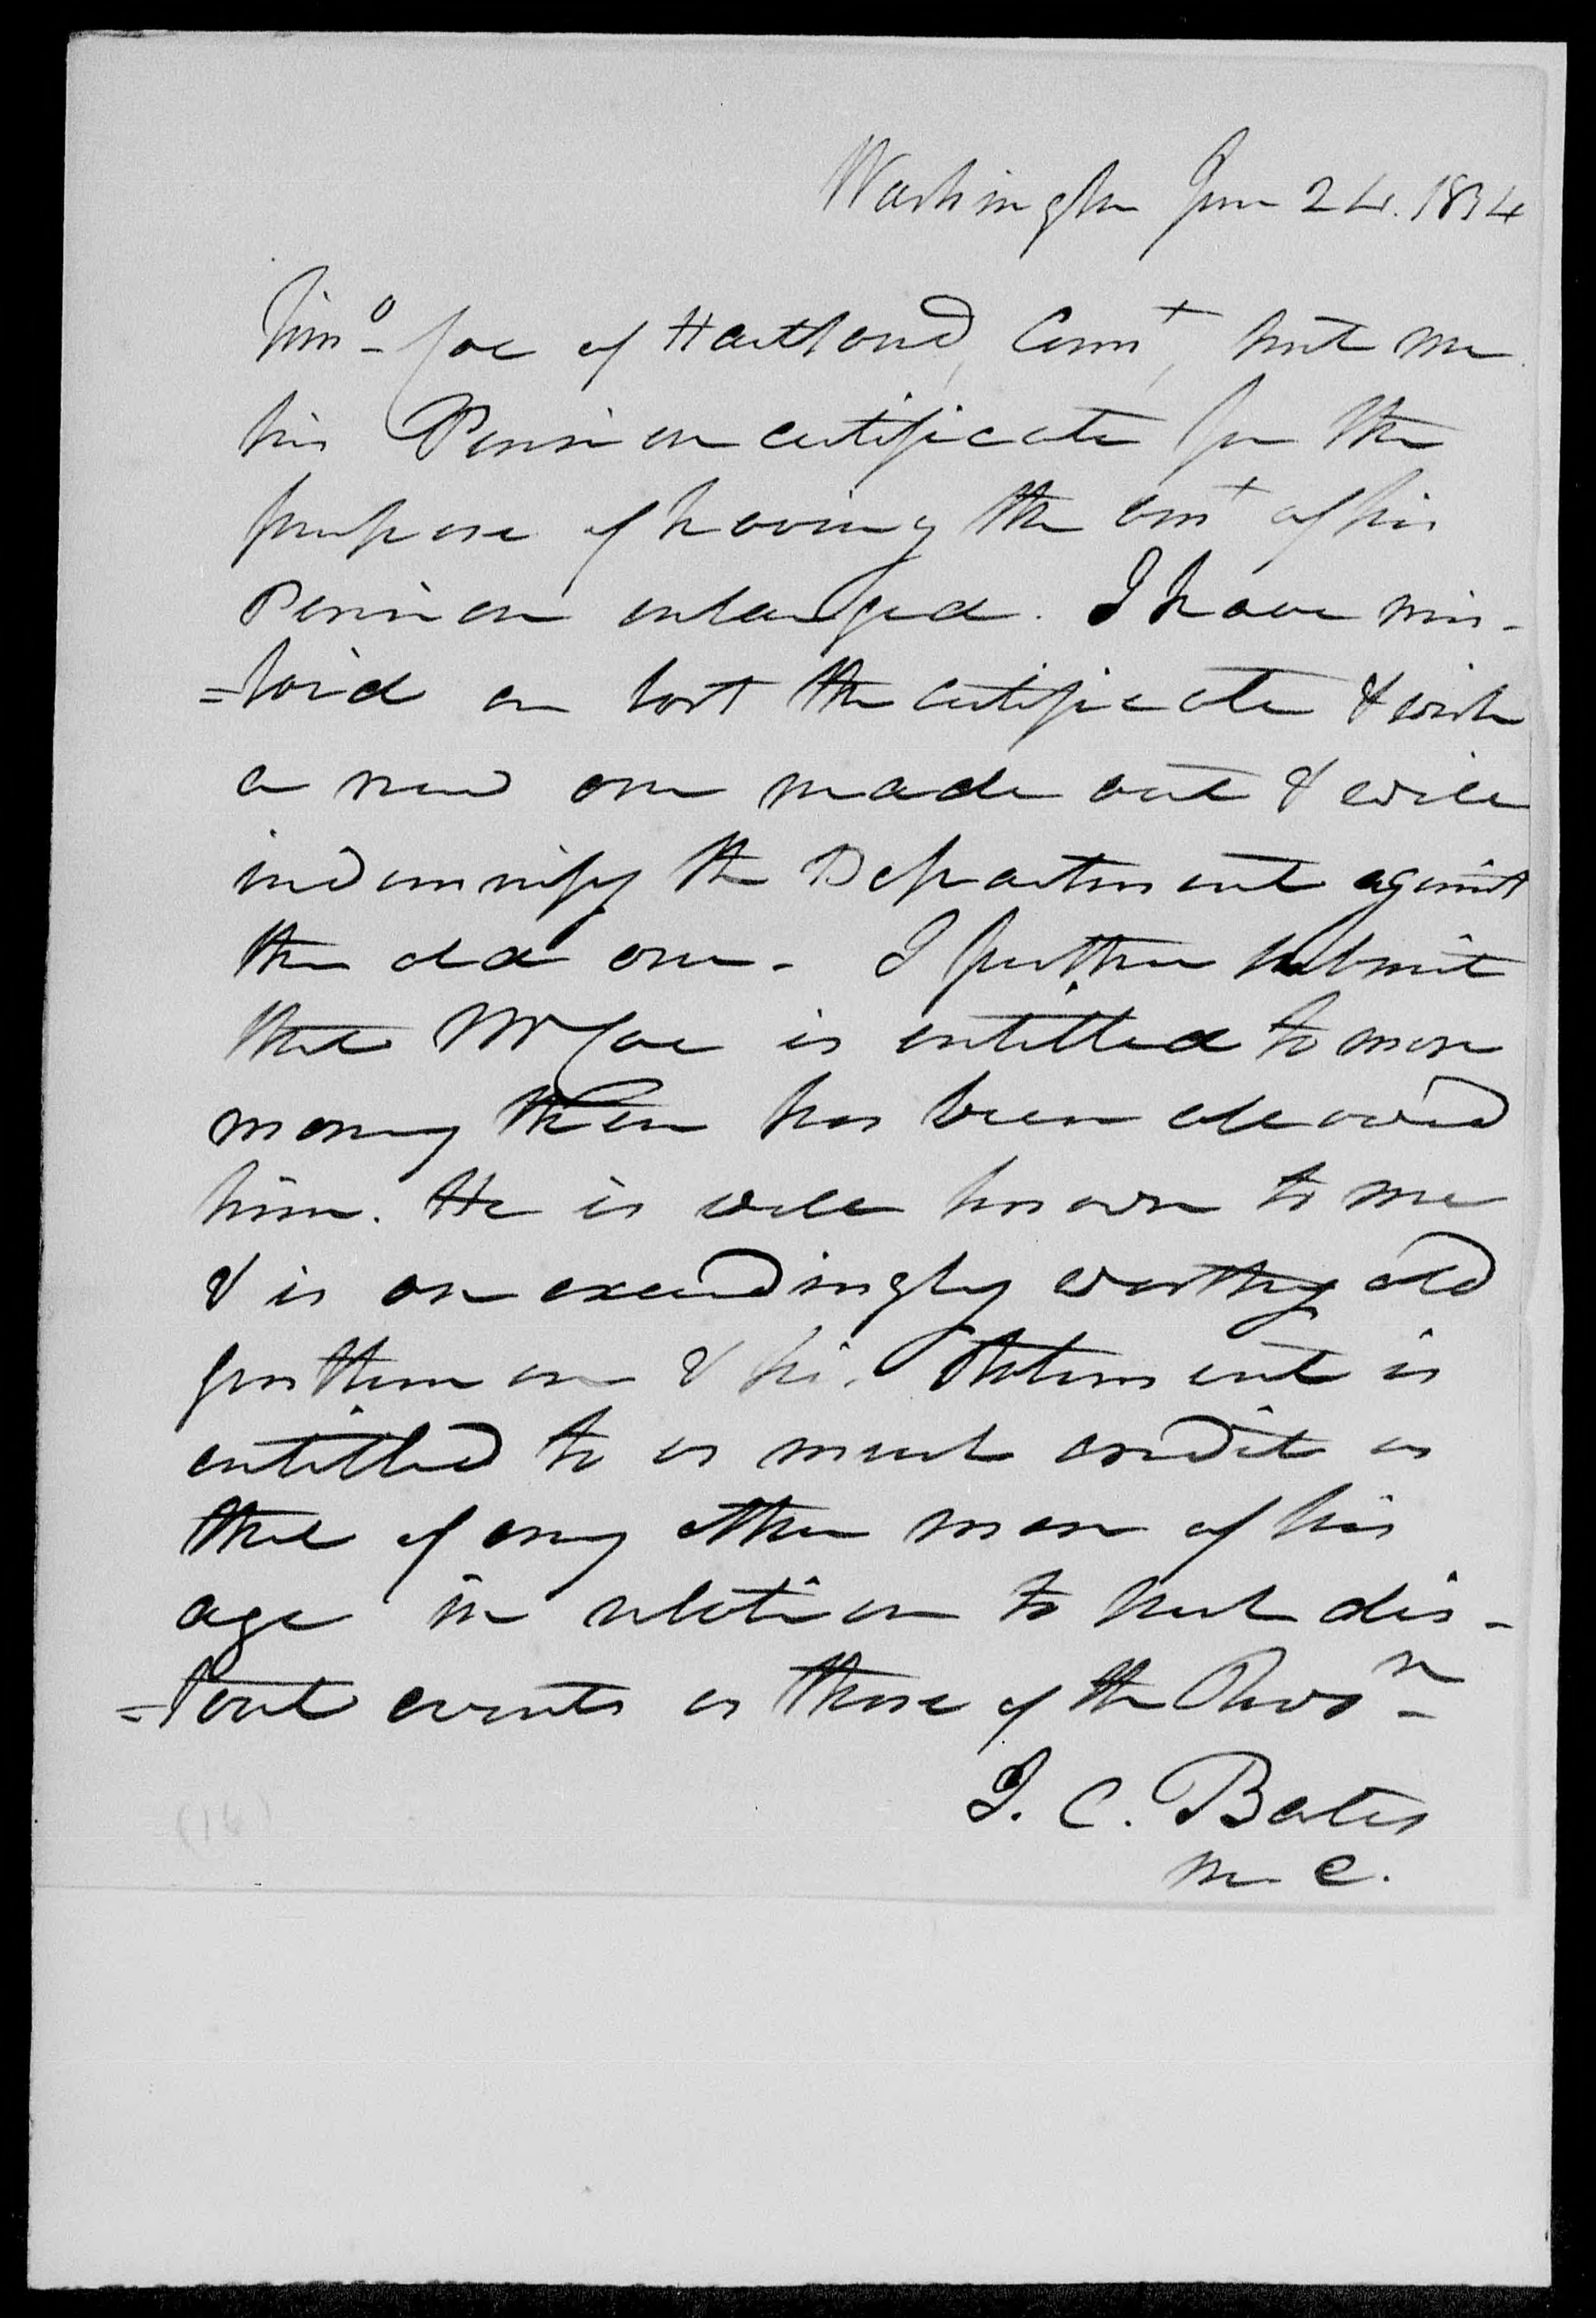Washington Jan 24 1834

Timo Coe of Hartford Connt puts (illegilbe) his Pension certificate for the purpose of having this (illegible) of his pension increased. I have inclosed an (illegible) the certificate & wish a new on made out & will indemnify the Department against the old one. I further submit that MCoe is entitled to more money than has been allowed him. He is old for (illegible) to me & is an exceedingly worthy and furthermore his (enlistment?) is entitled to as much credit is that of any other man of his age in relation to (illegible) distant events of these of the (illegible)

I. C. Bates
M. C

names: Coe, I C Bates, Timo Coe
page: 38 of 76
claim: widow's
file: W. 5,250, Timothy Coe, Conn.